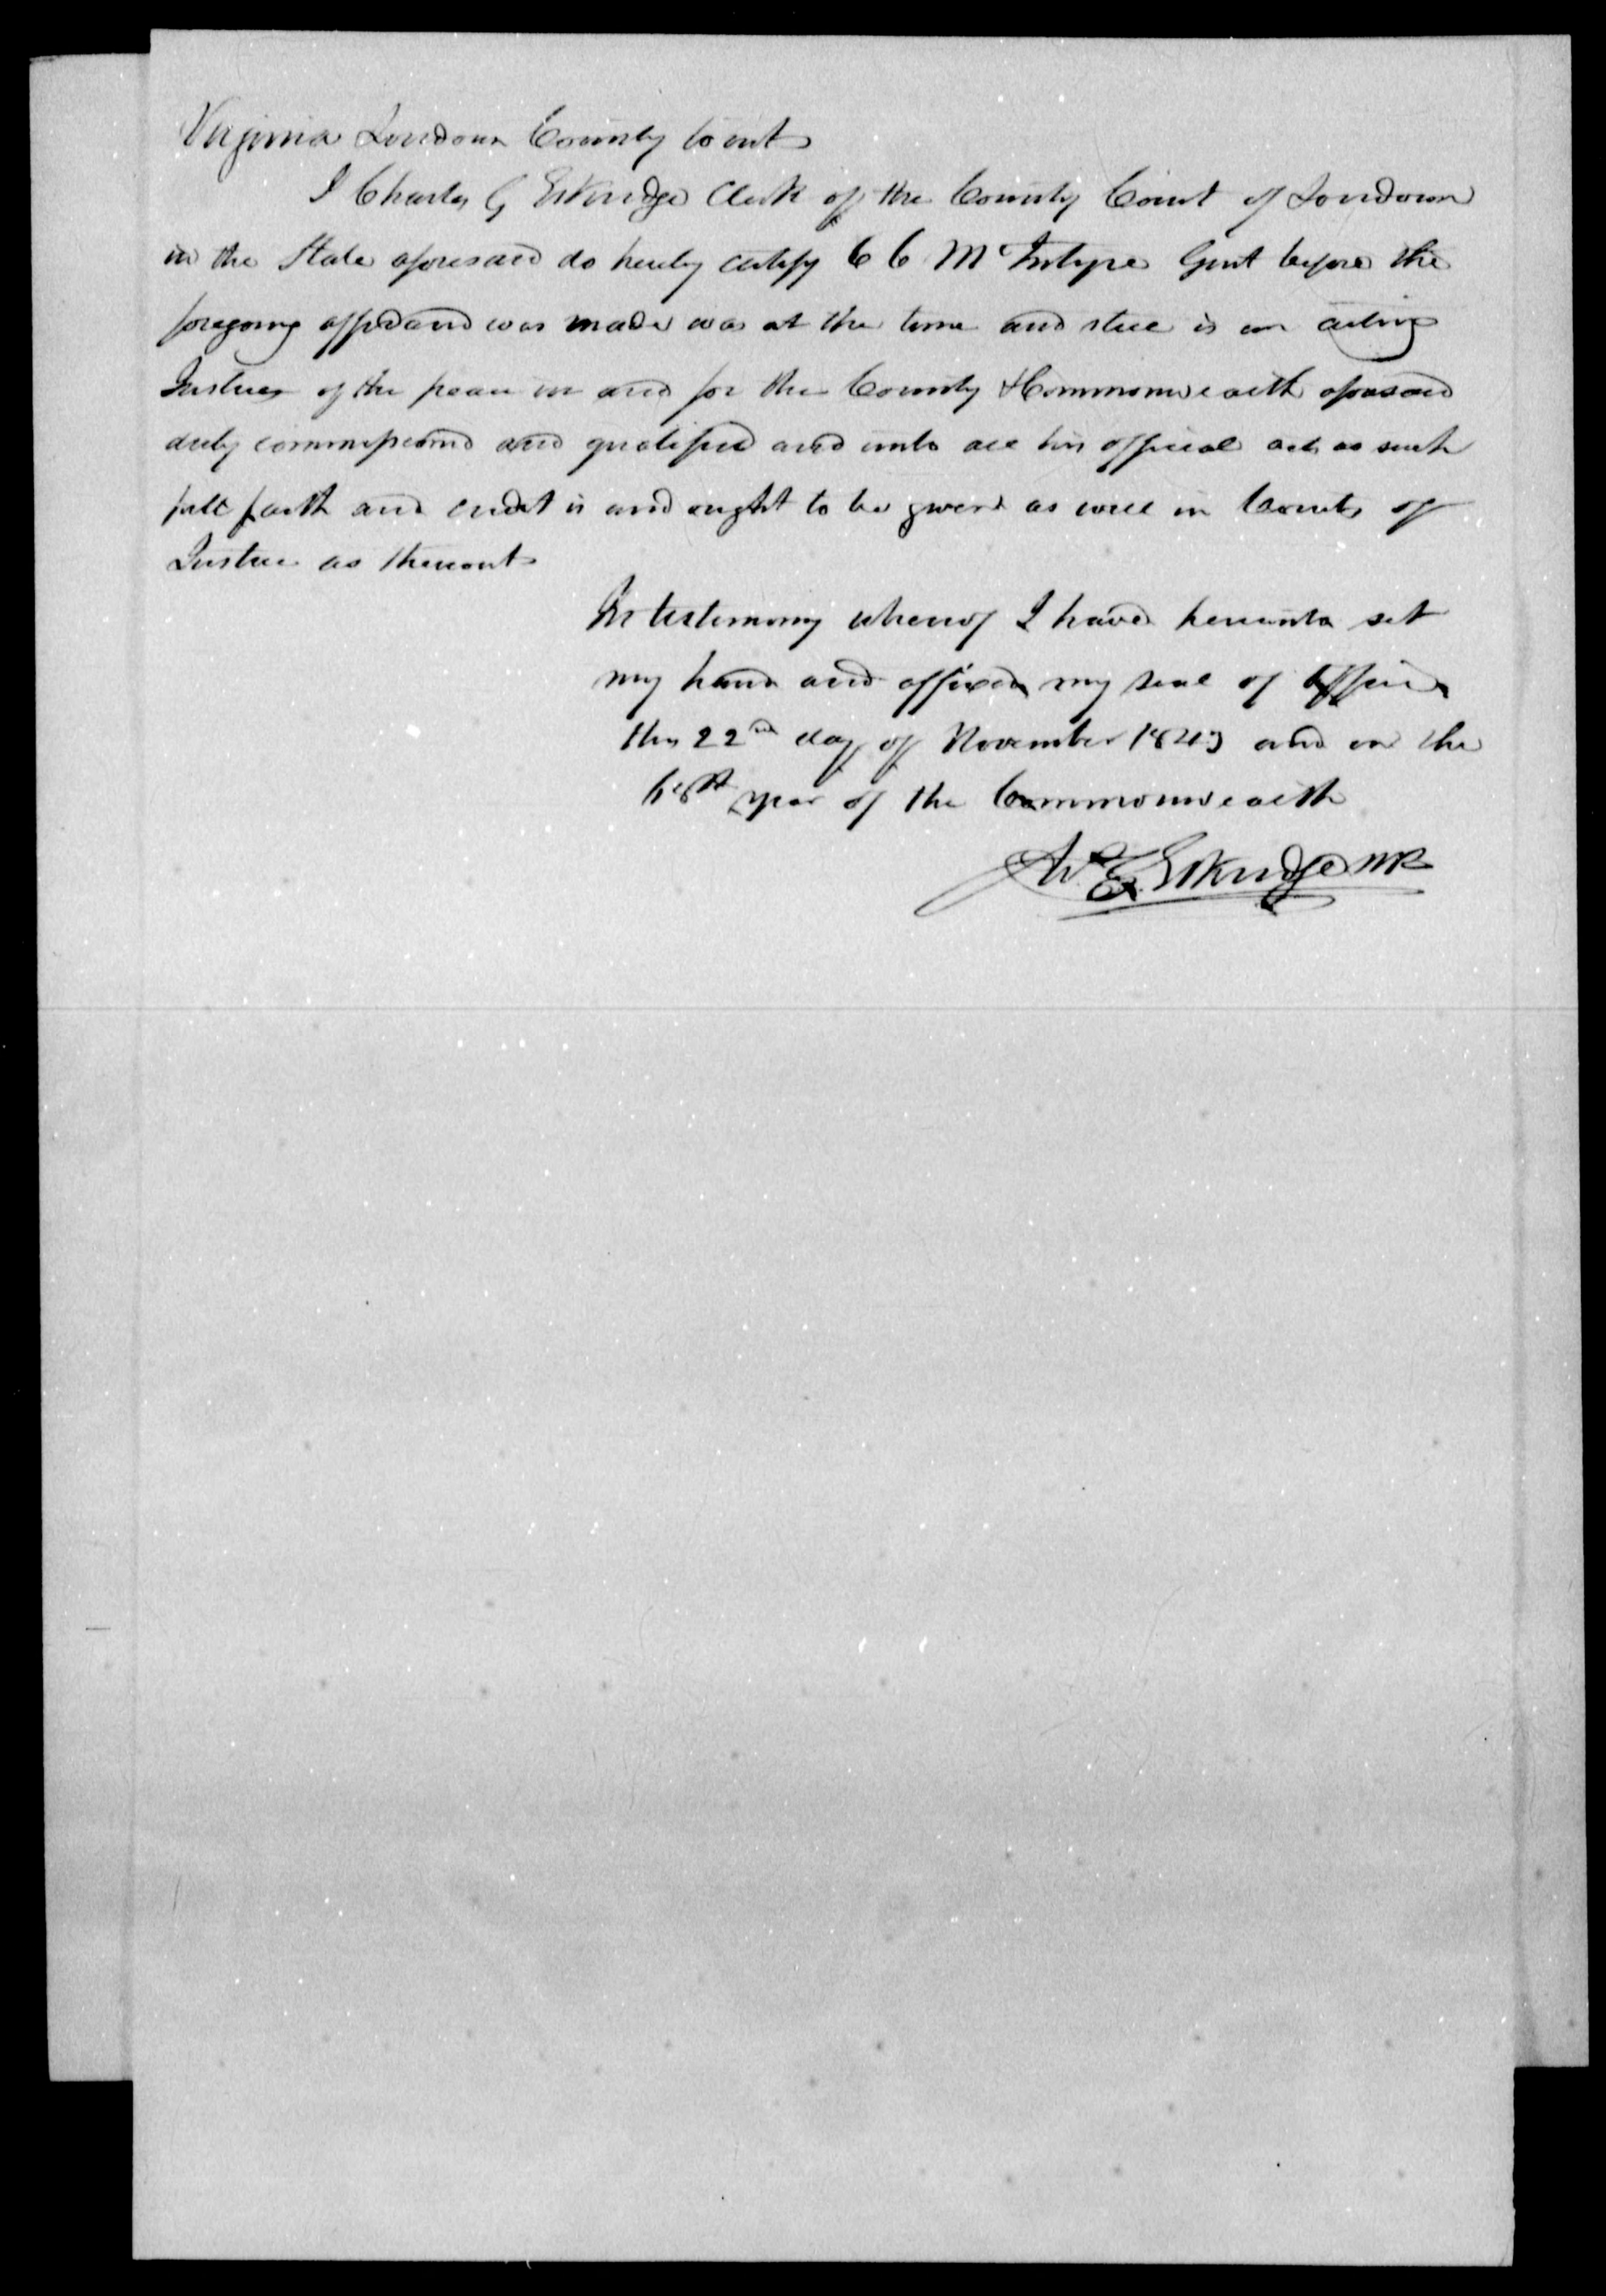Virginia Loudon County to wit
I Charles G Eskridge Clerk of the County Court of Loudon in the State aforesaid do hereby certify C.C. McIntyre Gent before the foregoing affidavit was made was at the time and still is an acting Justice of the peace in and for the County & Commonwealth aforesaid duly commissioned and qualified and unto all his official acts as such full faith and credit is and ought to be given as well in Courts of Justice as thereout
In testimony whereof I have hereunto set my hand and affixed my seal of Office this 22nd day of November 1843 and in the 64th year of the Commonwealth
Jno. G. Eskridge MR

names: Chs G Eskridge; Charles G Eskridge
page: 18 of 57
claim: widow's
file: W. 9,622, for Aaron Redman, Virginia